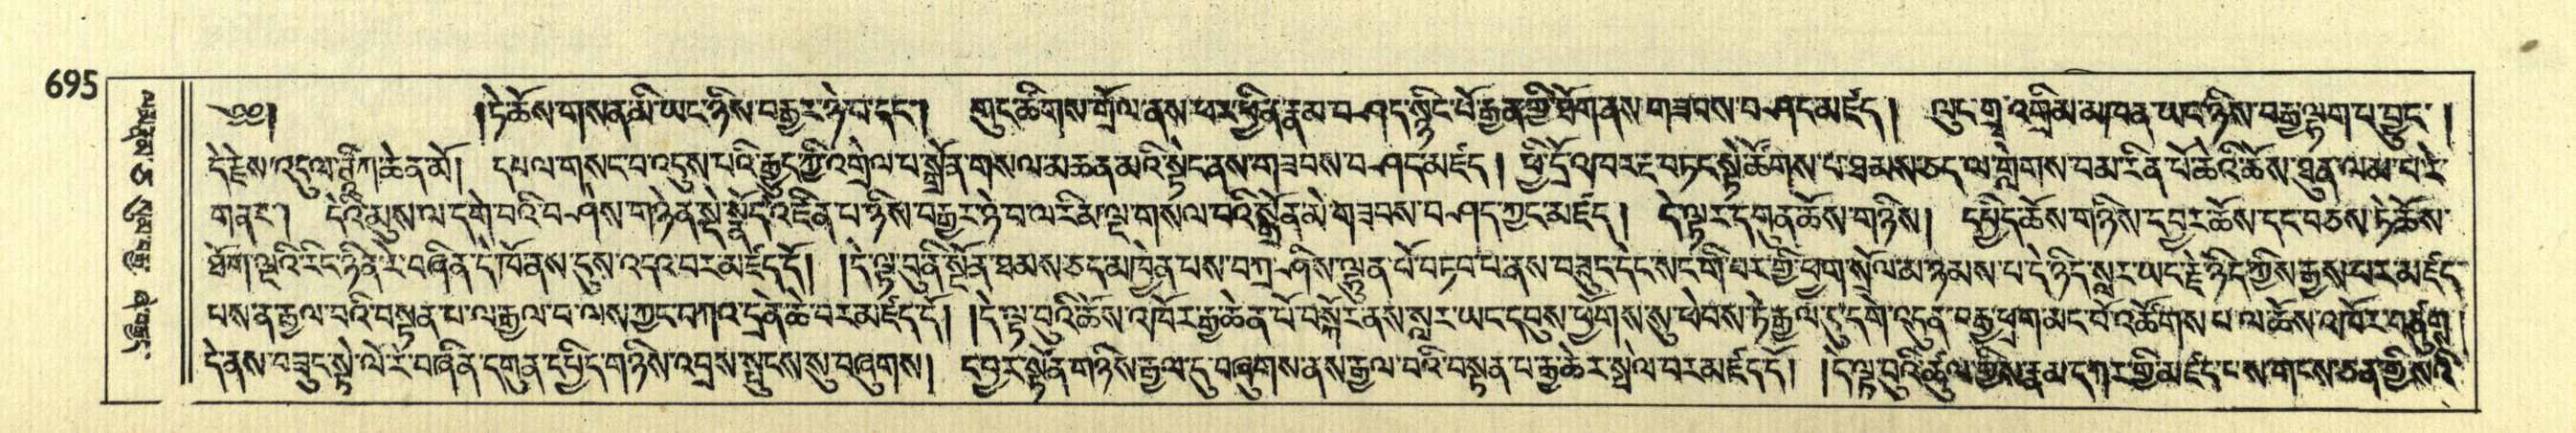༄༅། །ཏེ་ཆོས་གསན་མི་ཡང་ཉིས་བརྒྱར་ཉེ་བ་དང་། གུང་ཚིགས་གྲོལ་ནས་ཕར་ཕྱིན་རྣམ་བཤད་སྙིང་པོ་རྒྱན་གྱི་ཐོག་ནས་གཟབས་བཤད་མཛད། ལུང་གྲྭ་འགྲིམ་མཁན་ཡང་ཉིས་བརྒྱ་ལྷག་པ་བྱུང་།
དེ་རྗེས་འདུལ་ཊཱིཀ་ཆེན་མོ། དཔལ་གསང་བ་འདུས་པའི་རྒྱུད་ཀྱི་འགྲེལ་པ་སྒྲོན་གསལ་མཆན་མའི་སྟེང་ནས་གཟབས་བཤད་མཛད། ཕྱི་དྲོ་འཁར་རྔ་བཏང་སྟེ་ཚོགས་པ་ཐམས་ཅད་ལ་གླེགས་བམ་རིན་པོ་ཆེའི་ཆོས་ཐུན་ལམ་པ་རེ་
གནང་། དེའི་མུས་ལ་དགེ་བའི་བཤེས་གཉེན་སྡེ་སྣོད་འཛིན་པ་ཉིས་བརྒྱར་ཉེ་བ་ལ་རིམ་ལྔ་གསལ་བའི་སྒྲོན་མེ་གཟབས་བཤད་ཀྱང་མཛད། དེ་ལྟར་དགུན་ཆོས་གཉིས། དཔྱིད་ཆོས་གཉིས་དབྱར་ཆོས་དང་བཅས་ཏེ་ཆོས་
ཐོག་ལྔའི་རིང་ཉིན་རེ་བཞིན་དེ་ཁོ་ནས་དུས་འདའ་བར་མཛད་དོ། །དེ་ལྟ་བུ་ནི་སྔོན་ཐམས་ཅད་མཁྱེན་པས་བཀྲ་ཤིས་ལྷུན་པོ་བཏབ་པ་ནས་བཟུང་དེང་སང་གི་བར་གྱི་ཕྱག་སྲོལ་མ་ཉམས་པ་དེ་ཉིད་སླར་ཡང་རྗེ་ཉིད་ཀྱིས་རྒྱས་པར་མཛད་
པས་ན་རྒྱལ་བའི་བསྟན་པ་ལ་རྒྱལ་བ་ལས་ཀྱང་བཀའ་དྲེན་ཆེ་བར་མཛད་དོ། །དེ་ལྟ་བུའི་ཆོས་འཁོར་རྒྱ་ཆེན་པོ་བསྐོར་ནས་སླར་ཡང་དབུས་ཕྱོགས་སུ་ཕེབས་ཏེ་རྒྱལ་དུ་དགེ་འདུན་བརྒྱ་ཕྲག་མང་བོ་འཚོགས་པ་ལ་ཆོས་འཁོར་བཙུགས།
དེ་ནས་བཟུང་སྟེ་ལོ་རེ་བཞིན་དགུན་དཔྱིད་གཉིས་འབྲས་སྤུངས་སུ་བཞུགས། དབྱར་སྟོན་གཉིས་རྒྱལ་དུ་བཞུགས་ནས་རྒྱལ་བའི་བསྟན་པ་རྒྱ་ཆེར་སྤེལ་བར་མཛད་དོ། །དེ་ལྟ་བུའི་ཚུལ་གྱིས་རྣམ་དཀར་གྱི་མཛད་པས་གངས་ཅན་གྱི་སའི་